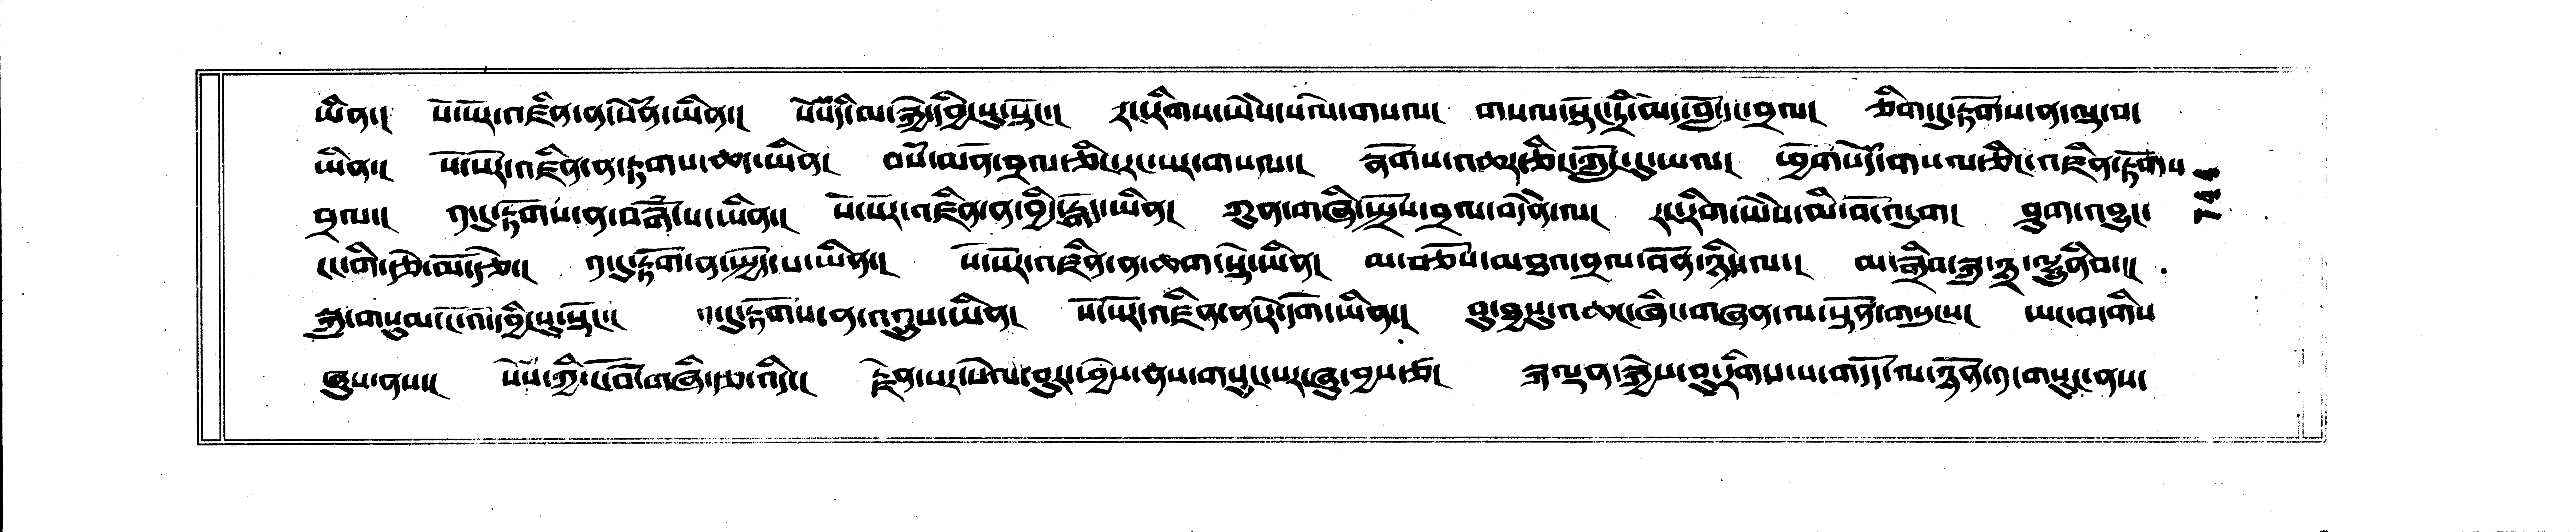ཡིན། །སོ་སོར་འཛིན་ན་སེམས་ཅན་ཡིན། །སེམས་ཉིད་མ་སྐྱེས་དབྱིངས་སུ་སྟོང་། །རང་རིག་ཡེ་ཤེས་སལེ་གསལ། །གསལ་སྟོང་དྲི་མེད་བློ་དང་བྲལ། །གཅིག་ཏུ་རྟོགས་ན་ལྟ་བ་
ཡིན། །སོ་སོར་འཛིན་ན་རྟག་ཆད་ཡིན། །བསམ་མནོ་བྲལ་ཅིང་རང་སར་གསལ། །སྣ་ཚོགས་འཆར་ཅིང་ཀློང་དུ་ཡལ། །ཕྱོགས་མེད་གསལ་ཅིང་འཛིན་རྟོག་
བྲལ། །གཅིག་ཏུ་རྟོགས་ན་སྒོམ་པ་ཡིན། །སོ་སོར་འཛིན་ན་བྱིང་རྒོད་ཡིན། །ཀུན་གཞི་སྤྲོས་བྲལ་བདེ་ཆེན་ལ། །རང་རིག་ཡེ་ཤེས་མི་བོ་འདུག །ཤུགས་འབྱུང་
ངང་གིས་རྩེད་མོ་རྩེ། །གཅིག་ཏུ་རྟོགས་ན་སྤྱོད་པ་ཡིན། །སོ་སོར་འཛིན་ན་ཆགས་སྡེ་༼སྡང༽ཡིན། །མ་བཅོས་མཐའ་བྲལ་བོན་ཉིད་ལ། །མ་བསྒྲིབས་སྐུ་གསུམ་གསུམ་ལྷུན་གྱིས་གྲུབ།
།སྐུ་གསུམ་ངོའོ་དབྱིངས་སུ་སྟོང་། །གཅིག་ཏུ་རྟོགས་ན་འབྲས་བུ་ཡིན། །སོ་སོར་འཛིན་ན་རེ་དོགས་ཡིན། །བུ་ཐུགས་སུ་འཆང་ཞིང་གཞན་ལ་སྟོན་གསུངས། །ཡང་བདག་གིས་
ཞུས་ནས། སེམས་ཀྱི་ངོའོ་གཞི་རྩ་འདི། རྗེན་པར་སིལ་བུར་ཕྱེས་ནས་གསུང་པར་ཞུ་བྱས་ཙ། སྐལ་ལྡན་སྐྱེས་བུ་རིག་པ་གདོད་ལ་ཉོན་ཅིག་གསུངས་ནས་